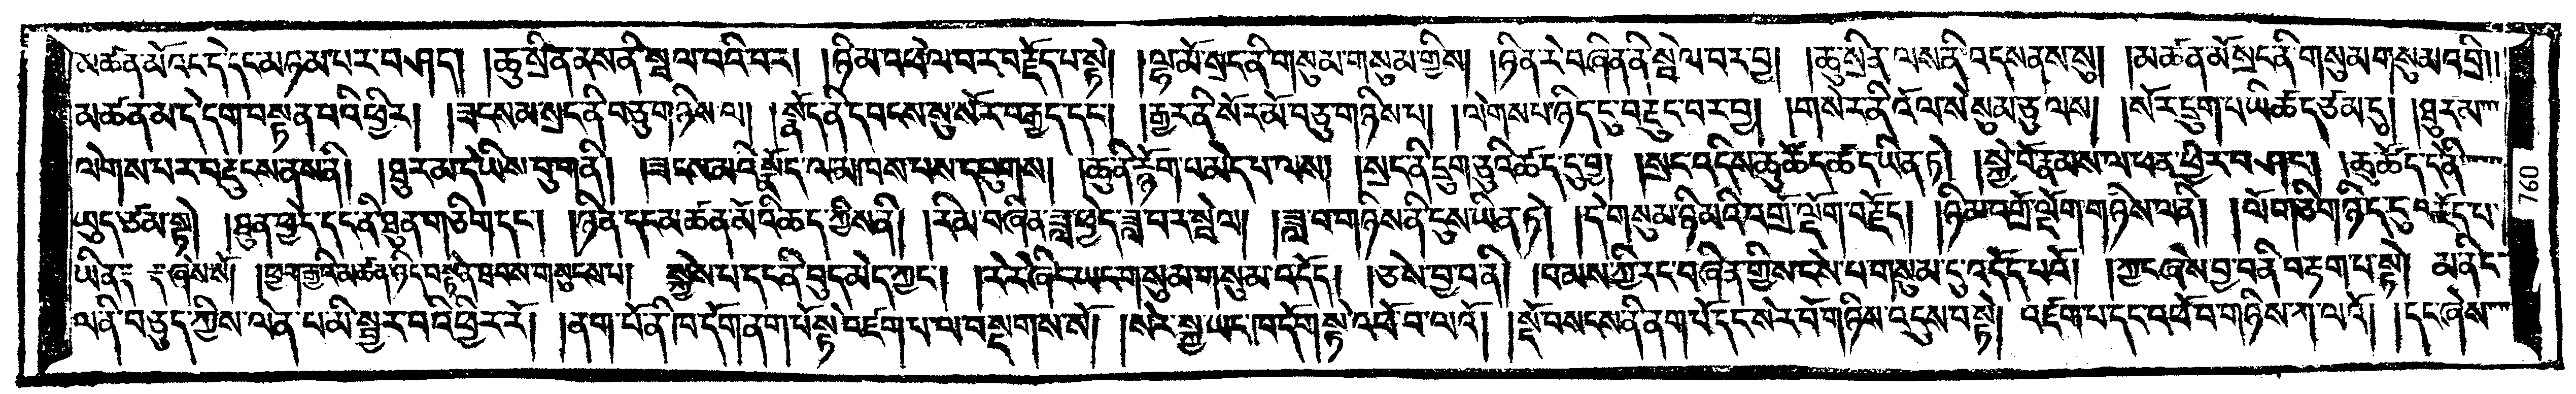མཚན་མོའང་དེ་དང་མཉམ་པར་བཤད། །ཆུ་སྲིན་ནས་ནི་སྦལ་བའི་བར། །ཉི་མ་འཕེལ་བར་བརྗོད་པ་སྟེ། །ལྷ་མོ་སྲང་ནི་གསུམ་གསུམ་གྱིས། །ཉིན་རེ་བཞིན་ནི་སྤེལ་བར་བྱ། །ཆུ་སྲིན་ལས་ནི་འདས་ནས་སུ། །མཚན་མོ་སྲང་ནི་གསུམ་གསུམ་འབྲི།།
མཚན་མ་དེ་དག་བསྟན་བའི་ཕྱིར། །ཟངས་མ་སྲང་ནི་བཅུ་གཉིས་ལ། །སྣོད་ནི་དབངས་སུ་སོར་བརྒྱད་དང་། །རྒྱར་ནི་སོར་མོ་བཅུ་གཉིས་པ། །ལེགས་པ་ཉིད་དུ་བརྡུང་བར་བྱ། །གསེར་ནི་འོལ་སེ་སུམ་ཅུ་ལས། །སོར་དྲུག་པ་ཡི་ཚད་ཙམ་དུ། །ཐུར་མ་
ལེགས་པར་བརྡུངས་ནས་ནི། །ཐུར་མ་དེ་ཡིས་བུ་ག་ནི། །ཟངས་མའི་སྣོད་ལ་མཁས་པས་དབུགས། །ཆུ་ནི་རྙོག་པ་མེད་པ་ལས། །སྲང་ནི་དྲུག་ཅུའི་ཚད་དུ་བྱ། །སྲང་འདིས་ཆུ་ཚོད་ཚད་ཡིན་ཏེ། །སྐྱེ་བོ་རྣམས་ལ་ཕན་ཕྱིར་བཤད། །ཆུ་ཚོད་དེ་ནི་
ཡུད་ཙམ་སྟེ། །ཐུན་ཕྱེད་དང་ནི་ཐུན་གཅིག་དང་། །ཉིན་དང་མཚན་མོའི་ཆད་ཀྱིས་ནི། །རིམ་བཞིན་ཟླ་ཕྱེད་ཟླ་བར་སྤེལ། །ཟླ་བ་གཉིས་ནི་དུས་ཡིན་ཏེ། །དེ་གསུམ་ཉི་མའི་འགྲོ་ལྡོག་བརྗོད། །ཉི་མ་འགྲོ་ལྡོག་གཉིས་ལ་ནི། །ལོ་གཅིག་ཉིད་དུ་བརྗོད་པ་
ཡིན༑ ༑ཞེས་སོ། །ཕྱག་རྒྱའི་མཚན་ཉིད་བསྟེན་ཐབས་གསུངས་པ། སྐྱེས་པ་དང་ནི་བུད་མེད་ཀྱང་། །རེ་རེ་ཞིང་ཡང་གསུམ་གསུམ་འདོད། །ཅེས་བྱ་བ་ནི། །བམས་ཀྱི་རང་བཞིན་གྱིས་ངེས་པ་གསུམ་དུ་འདོད་པའོ། །ཀྱང་ཞེས་བྱ་བ་ནི་བརྟག་པ་སྟེ། མ་ནིང་
ལ་ནི་བཅུད་ཀྱིས་ལེན་པ་མི་སྦྱར་བའི་ཕྱིར་རོ། །ནག་པོ་ནི་ཁ་དོག་ནག་པོ་སྟེ་འཛག་པ་ལ་བསྔགས་སོ། །སེར་སྐྱ་ཡང་ཁ་དོག་སྟེ་འཕོ་བ་ལའོ། །སྔོ་བསངས་ནི་ནག་པོ་དང་སེར་པོ་གཉིས་འདུས་པ་སྟེ། འཛག་པ་དང་འཕོ་བ་གཉིས་ཀ་ལའོ། །དང་ཞེས་